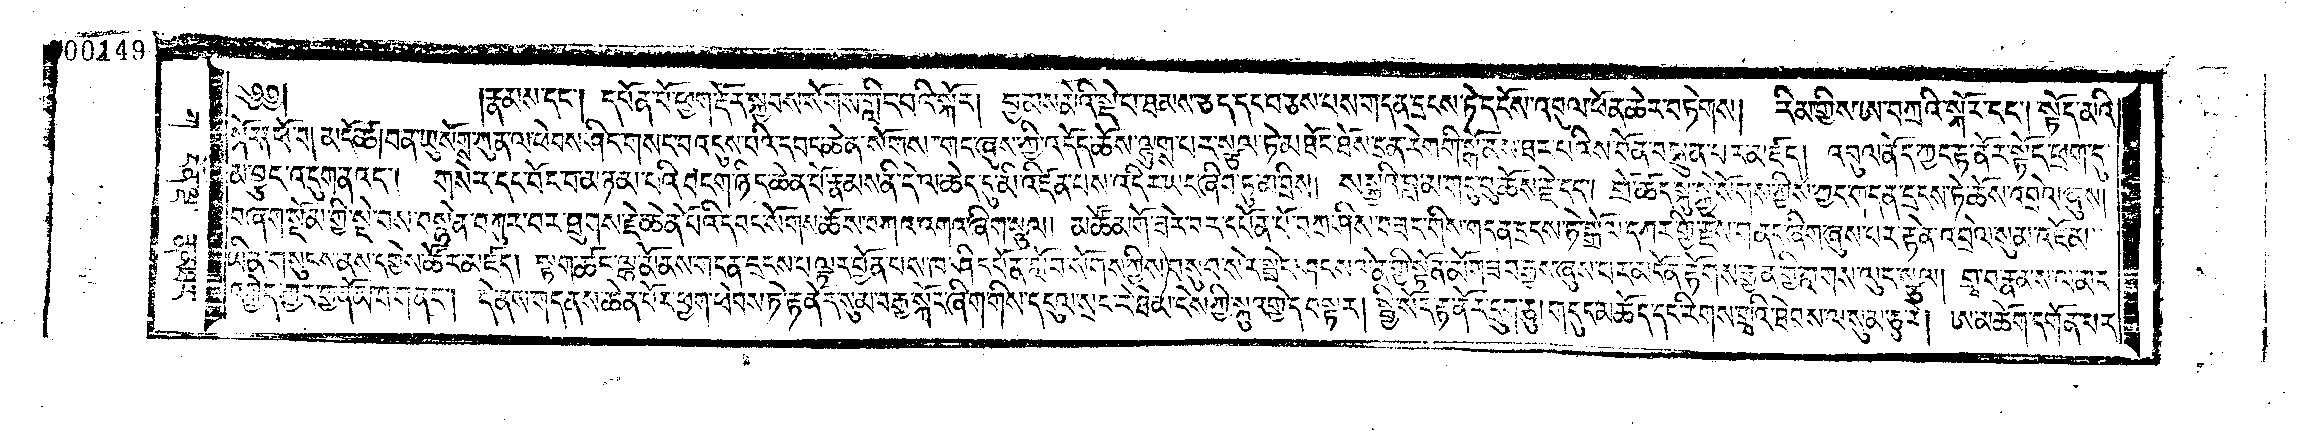༄༅། །རྣམས་དང་། དཔོན་པོ་ཕྱག་རྡོར་སྐྱབས་སོགས་གླིང་བའི་སྐོར། བྱམས་མེའི་སྡེ་བ་ཐམས་ཅད་དང་བཅས་པས་གདན་དྲངས་ཏེ་དངོས་འབུལ་ཕོན་ཆེར་བཏེགས། རིམ་གྱིས་ཨ་བཀྲའི་སྐོར་དང་། སྟོད་མའི་
སྐོར༑ ཕོ་བ། མདོ་ཚ། བན་ཡུ་སོགས་ཀུན་ལ་ཕེབས་ཤིང་གསང་བ་འདུས་པའི་དབང་ཆེན་སོགས་གང་ཞུས་ཀྱི་འདོད་ཆོས་ལྷུགས་བར་སྩལ་ཏེ་མཐོང་ཐོས་དྲན་རེག་གི་སྒོ་ནས་ཐར་པའི་ས་བོན་བསྐྲུན་པར་མཛད། འབུལ་ནོད་ཀྱང་རྟ་ནོར་སྟོང་ཕྲག་དུ་
མ་བྱུང་འདུག་ནའང་། གསེར་དང་བོང་བ་མཉམ་པའི་བདག་ཉིད་ཆེན་པོ་རྣམས་ནི་དེ་ལ་ཆེད་དུ་མི་འཛིན་པས་འདིར་ཡང་ཞིབ་ཏུ་མ་བྲིས། ས་སྐྱའི་བླ་མ་གདུ་བུ་ཆོས་རྗེ་དང་། གྲོ་ཚང་སྐུ་སྐྱེ་སོགས་ཀྱིས་ཀྱང་གདན་དྲངས་ཏེ་ཆོས་འབྲེལ་ཞུས།
བཞག་སྡོམ་གྱི་སྡེ་བས་བསྙེན་བཀུར་བར་ཐུགས་རྗེ་ཆེན་པོའི་དབང་སོགས་ཆོས་བཀའ་འགའ་ཞིག་སྩལ། མཚོ་མགོ་ཟེར་བར་དཔོན་པོ་བཀྲ་ཤིས་བཟང་གིས་གདན་དྲངས་ཏེ་སྒྲོལ་དཀར་གྱི་རྗེས་གནང་ཞིག་ཞུས་པར་རྟེན་འབྲེལ་སུམ་འཛོམ་
ཡིན་གསུངས་ནས་དགྱེས་ཚོར་མཛད། སྟག་ཚང་ལྷ་མོ་ནས་གདན་དྲངས་བ་ལྟར་བྱོན་པས་ཁ་ཤི་དཔོན་སློབ་སོགས་ཀྱིས་བསུ་བ་སེར་སྦྲེང་ཤངས་ལེན་གྱི་སྟོན་མོ་གཟབ་རྒྱས་ཞུས་པར་མངོན་རྟོགས་རྒྱན་གྱི་ཀླགས་ལུང་སྩལ། གྲྭ་བ་རྣམས་ལ་མང་
འགྱེད་ཀྱང་གྱ་ནོམ་པ་གནང་། དེ་ནས་གདན་ས་ཆེན་པོར་ཕྱག་ཕེབས་ཏེ་རྟ་ནོར་སུམ་བརྒྱ་སྐོར་ཞིག་གིས་དངུལ་སྲང་རེ་ཐེམ་ངེས་ཀྱི་སྐུ་འགྱེད་བསྟར། སྤྱི་སོར་རྟ་ནོར་དྲུག་ཅུ། གདུང་མཆོད་དང་རིགས་གྲྭའི་ཐེབས་ལ་སུམ་ཅུ་རེ། ཨ་མཆོག་དགོན་པར་